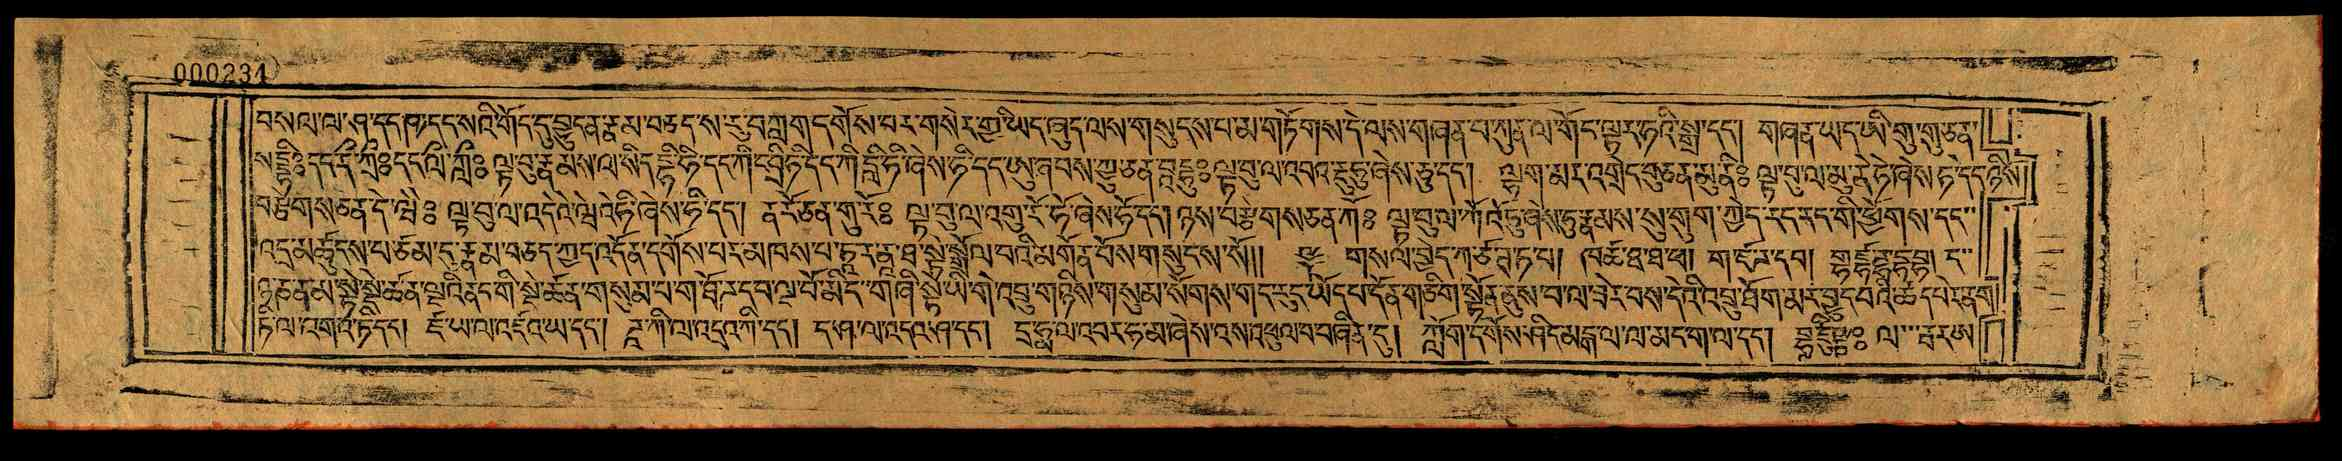བསལ་ལ་ཤེ་དང་ཥ་དང་སའི་གོང་དུ་བྱུང་ན་རྣམ་བཅད་ས་རུ་བཀླག་དགོས་པར་གསེར་གྱི་ཡང་ཞུན་ལས་གསུངས་པ་མ་གཏོགས་དེ་ལས་གཞན་པ་ཀུན་ལ་གོང་ལྟར་ཧའི་སྒྲ་དང་། གཞན་ཡང་ཨི་གུ་གུ་ཅན་
སདྡྷིཿ དང་རཾ་ཀྲྀཿ དང་ལྀ་ཀླྀཿ ལྟ་བུ་རྣམས་ལ་སང་དྷི་ཧི་དང་ཀི་དཔྲི་ཧི་དང་ཀི་རླི་ཧི་ཞེས་ཧི་དང་ཨུ་ཞབས་ཀྱུ་ཅན་བཱདྷཱུཿལྟ་བུ་ལ་འབའ་རྡུ་ཧུ་ཞེས་ཧུ་དང་། ལྷག་མར་འགྲོ་དབུ་ཅན་མུ་ནཿ ལྟ་བུ་ལ་མུ་ནེ་ཧ་ཞེས་ཧི་དང་ཉིས་
པ་རྩགས་ཅན་དེ་ཝཿ ལྟ་བུ་ལ་འདིའི་ཝེའེ་ཧི་ཞེས་ཧི་དང་། ན་རོ་ཅན་གུ་རོཿ ལྟ་བུ་ལ་འགུ་རོ་ཧོ་ཞེས་ཧོ་དང་། ཉེས་བརྩེགས་ཅན་ཀོཿ ལྟ་བུ་ལ་ཀོའོཧུ་ཞེས་ཧུ་རྣམས་སུ་གུག་གྱེད་རང་རང་གི་ཕྱོགས་དང་
འདྲ་མཚུངས་པ་ཙམ་དུ་རྣམ་བཅད་ཀྱང་འདོན་དགོས་པར་མཁས་པ་ཏཱ་ར་ནཱ་ཐ་སྟེ་སྒྲོལ་བའི་མགོན་པོས་གསུངས་སོ།། ༧༨༤་གསལ་བྱེད་ཀ་ཅ་ཊ་ཏ་པ། ཁ་ཚ་ཊཿཨ་ཐ་ཕ། ག་ཛཱ་ཌ་ད་པ། གྷ་ཛྷ་ཌཱ་དྷ་བྱ། ད་
ཉ་ཎ་ན་མ་སྟེ་སྡེ་ཚན་ལྔའི་ནང་གི་སྡེ་ཚན་གསུམ་པ་ག་ཛ་ཌ་ང་བ་ལྔ་པོ་མིང་གཞི་སྟེ་ཡི་གེ་འབྲུ་གཉིས་གསུམ་སོགས་གང་དུ་དེ་ཡོད་པ་དོན་གཅིག་སྟོན་ནུས་པ་ལ་ཟར་བས་དེའི་འབྲུ་ཐག་མར་བྱུང་བའི་ཚ་དཔེར་ན་
ཏི་ལ་འགའ་ཏི་དང་། ཛ་ལ་ལ་འཛའ་ཡ་དང་། ཊཱ་ཀི་ལ་འདྲའ་ཀི་དང་། ད་ཤ་ལ་འདའ་ཤ་དང་། དྲ་ཧྨ་ལ་འབར་ཧ་མ་ཞེས་འས་འབུལ་བ་བཞིན་དུ། གློག་དགོས་ཤིང་མངལ་ལ་མང་ག་ལ་དང་། བྷྲཱ་ཛིཾཥྞུཿ ལ་་་ཝར་ཨ་